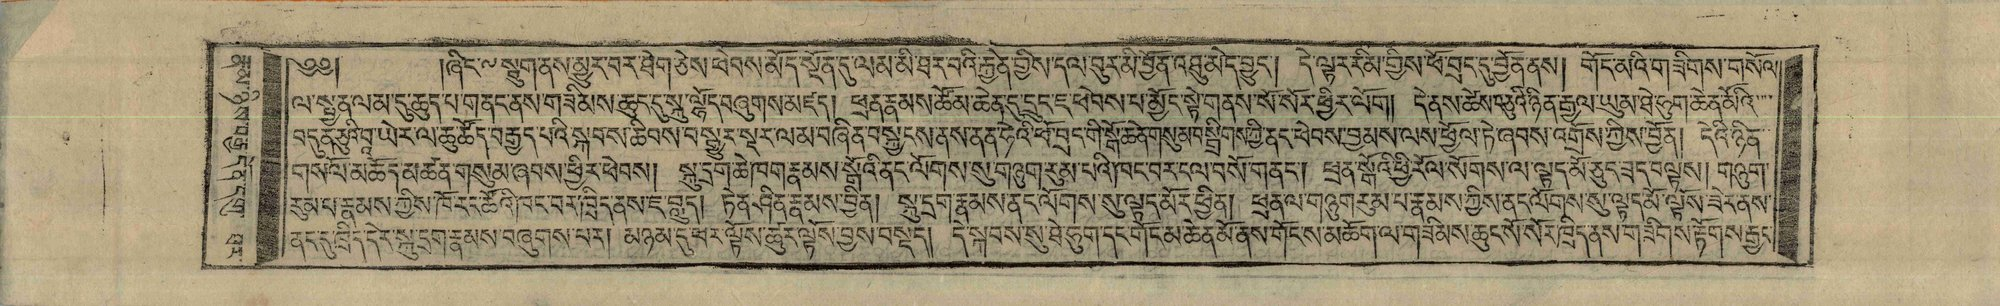༄༅། །ཞིང་༧སྦུག་ནས་མྱུར་བར་ཐེག་ཅེས་ཕེབས་མོད་སྔོན་དུ་ལམ་མི་ཐར་བའི་རྐྱེན་གྱིས་དལ་བུར་མི་བྱོན་འཐུ་མེད་བྱུང་། དེ་ལྟར་རིམ་གྱིས་ཕོ་བྲང་དུ་བྱོན་ནས། གོང་མའི་གཟིགས་གསོལ་
ལ་སྤྱན་ལམ་དུ་ཆུད་པ་གནང་ནས་གཟིམས་ཆུང་དུ་སྐུ་ལྷོད་བཞུགས་མཛད། ཕྲན་རྣམས་ཚོམ་ཆེན་དུ་དྲུང་ཇ་ཕེབས་པ་མྱོང་སྟེ་གནས་སོ་སོར་ཕྱིར་ལོག །དེ་ནས་ཚེས་བཅུའི་ཉིན་རྒྱལ་ཡུམ་ཐེ་ཧུག་ཆེན་མོའི་
བདུན་ཅུའི་བཱ་ཡེར་ལ་ཆུ་ཚོད་བརྒྱད་པའི་སྐབས་ཆིབསས་བསྒྱུར་སྔར་ལམ་བཞིན་བསྐྱངས་ནས་ནན་ཧེའི་ཕོ་བྲང་གི་སྒོ་ཆེན་གསུམ་བསྒྲིགས་ཀྱི་ནང་ཕེབས་བྱམས་ལས་ཕྱོལ་ཏེ་ཞབས་འགྲོས་ཀྱིས་བྱོན། དེའི་ཉིན་
གསོལ་མཆོད་མཚན་གསུམ་ཞབས་ཕྱིར་ཕེབས། སྐུ་དྲག་ཆེ་ཁག་རྣམས་སྒོའི་ནང་ལོགས་སུ་གཉུག་རུམ་པའི་ཁང་བར་ངལ་བསོ་གནང་། ཕྲན་སྒོའི་ཕྱི་རོལ་སོགས་ལ་ལྟད་མོ་ཅུང་ཟད་བལྟས། གཉུག་
རུམ་པ་རྣམས་ཀྱིས་ཁོ་རང་ཚོའི་ཁང་བར་ཁྲིད་ནས་ཇ་བླུད། ཏེན་ཤིན་རྣམས་བྱིན། སྐུ་དྲག་རྣམས་ནང་ལོགས་སུ་ལྟད་མོར་ཕྱིན། ཕྲན་ལ་གཉུག་རུམ་པ་རྣམས་ཀྱིས་ནང་ལོགས་སུ་ལྟད་མོ་ལྟོས་ཟེར་ནས་
ནང་དུ་ཁྲིད་དེར་སྐུ་དྲག་རྣམས་བཞུགས་པར། མཉམ་དུ་ཕར་ལྟོས་ཚུར་ལྟོས་བྱས་བསྡད། དེ་སྐབས་སུ་ཐེ་ཧུག་དང་གོང་མ་ཆེན་མོ་ནས་གོང་ས་མཆོག་ལ་གཟིམས་ཆུང་སོ་སོར་ཁྲིད་ནས་གཟིགས་རྟོགས་རྒྱང་